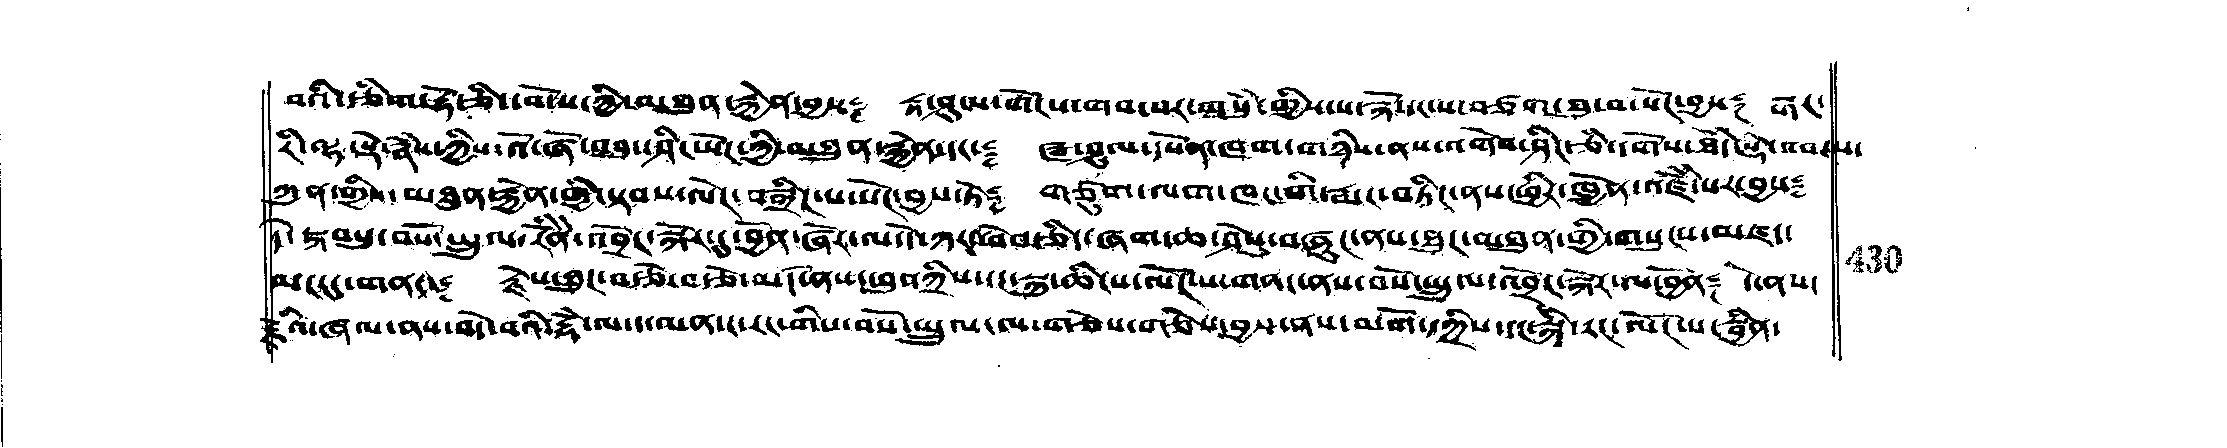པའི་རྩིག་རྡོ་ཅི་དགོས་ཀྱི་མཐུན་རྐྱེན་བྱས། རྟ་ཤུལ་གོང་གབ་བར་གསུམ་གྱིས་ས་རྐོ་དང་ས་བཙག་ཐུ་བ་སོགས་བྱས། སྒར་
རི་ལྷ་སྡེ་རྣམས་ཀྱིས་འོ་ཞོ་འབུད་ཤིང་སོགས་ཀྱི་མཐུན་རྐྱེན་དང་། ཝ་ཤུལ་དཔོན་ཁག་གཉིས་ནས་འགེབ་ཤིང་ཅི་དགོས་ཐམས་ཅད་སྡེ་འབངས་
ཀུན་གྱིས་མཐུན་རྐྱེན་གྱི་སྟབས་ལེགས་བསྒྲིགས་པ་སོགས་བྱས་ཏེ། གཙུག་ལག་ཁང་གི་རྨང་བཏིང་ནས་ཕྱིར་ཁྱོན་འཛོམ་པར་བྱས།
དེ་སྐབས་སུ་བསོ་སྤྲུལ་རིན་པོ་ཆེ་འབྲོག་སྐོར་དུ་བྱོན་ཞོར་ལ་དེ་ཀར་ཕེབས་ཤིང་ཞག་ཆ་ཤས་སུ་བཞུགས་ནས་ཐུགས་མཐུན་གྱི་གསུང་མཛད་
མང་དུ་གནང་། རྗེས་ཐུགས་བརྩེ་བརྩེ་མཛད་ནས་དབུ་དཀྲིས་དང་སྐུ་ཆིངས་ལ་སོགས་པ་གནང་ནས་བསོ་སྤྲུལ་འབྲོག་སྐོར་ལ་བྱོན། དེ་ནས་
རྗེའི་ཞལ་ནས་བདེ་བའི་རྡོ་རྗེ་ལ་ད་ལན་ང་རང་གིས་བསོ་སྤྲུལ་ལ་གཅེས་གཅེས་བྱས་ནས་མགོ་དཀྲིས་དང་སྐེ་རགས་ལ་སོགས་པ་སྦྱིན་